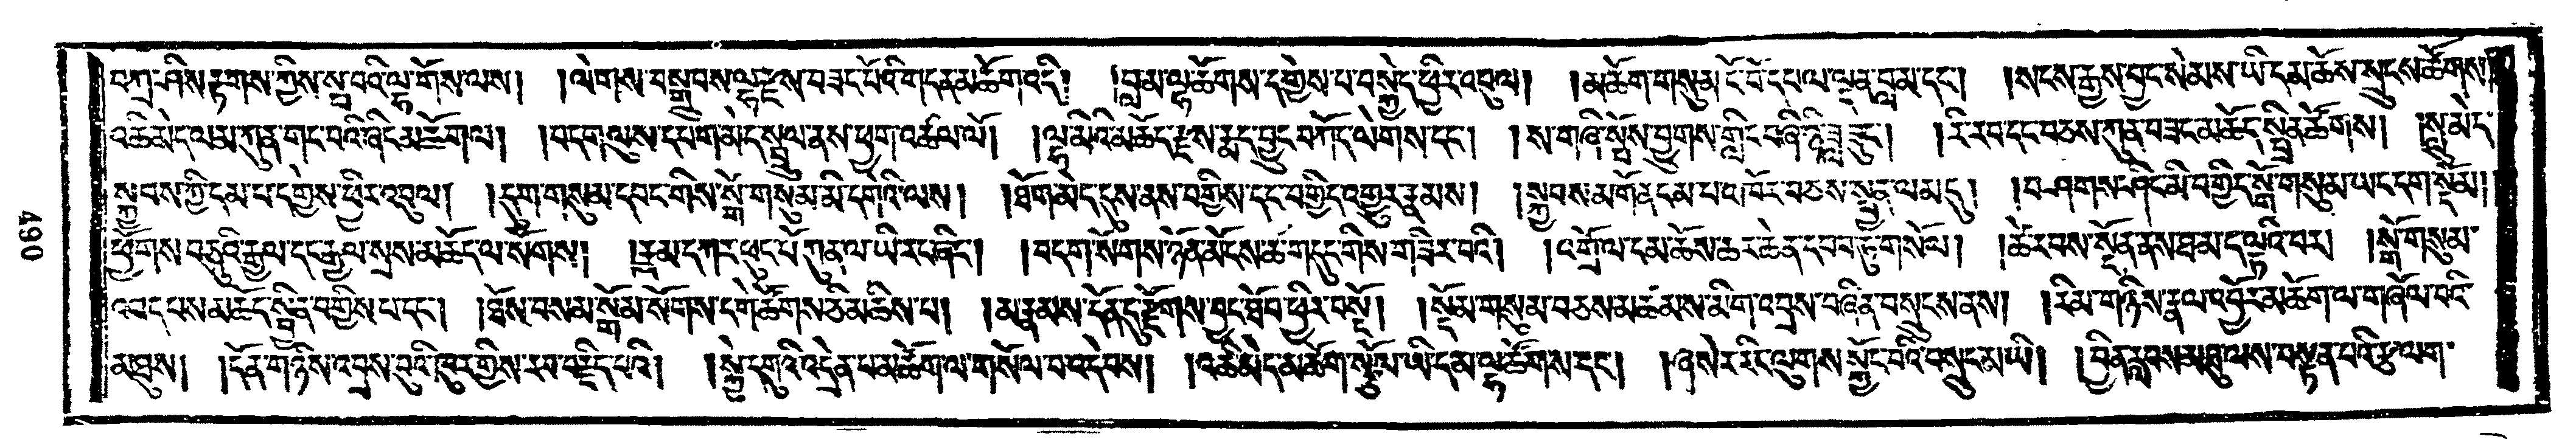བཀྲ་ཤིས་རྟགས་ཀྱིས་སྤ་བའི་ལྷ་གོས་ལས། །ལེགས་བསྒྲུབ་ལྷ་རྫས་བཟང་པོའི་གདན་མཆོད་འདི། །བླ་མ་ལྷ་ཆོགས་དགྱེས་པ་བསྐྱེད་ཕྱིར་འབུལ། །མཆོག་གསུམ་ངོ་བོ་དཔལ་ལྡན་བླ་མ་དང་། །སངས་རྒྱས་བྱང་སེམས་ཡི་དམ་ཆོས་སྲུངས་ཚོགས།
འཆི་མེད་ལམ་ཀུན་གང་བའི་ཞིང་མཆོག་ལ། །བདག་ལུས་དཔག་མེད་སྦྲུལ་ནས་ཕྱག་འཚལ་ལོ། །ལྷ་མིའི་མཆོད་རྫས་རྨད་བྱུང་བཀོད་ལེགས་དང་། །ས་གཞི་སྤོས་བྱུགས་གླིང་བཞི་ཉི་ཟླ་ཟུང་། །རི་རབ་དང་བཅས་ཀུན་བཟང་མཆོད་སྦྲིན་ཚོགས། །སླུ་མེད་
སྐྱབས་ཀྱི་དམ་པ་དགྱེས་ཕྱིར་འབུལ། །དུག་གསུམ་དབང་གིས་སྒོ་གསུམ་མི་དགེའི་ལས། །ཐོག་མེད་དུས་ནས་བགྱིས་དང་བགྱིད་འགྱུར་རྣམས། །སྐབས་མགོན་དམ་པ་འཁོར་བཅས་སྦྱན་ལམ་དུ། །བཤགས་ཤིང་མི་བགྱིད་སྒོ་གསུམ་ཡང་དག་སྡོམ། །
ཕྱོགས་བཅུའི་རྒྱལ་སྲས་མཆོད་ལ་སོགས། །རྣམ་དཀར་ཕུང་པོ་ཀུན་ལ་ཡི་རང་ཞིང་། །བདག་སོགས་ཉོན་མོངས་ཆ་གདུལ་གིས་གཟིར་བའི། །འགྲོ་ལ་དམ་ཆོས་ཆར་ཆེན་དབབ་ཏུ་གསོལ། །ཚེ་རབས་སྔོན་ནས་ཐ་མ་ད་ལྟའི་བར། །སྒོ་གསུམ་
འབད་པས་མཆོད་སྦྱིན་བགྱིས་པ་དང་། །ཐོས་བསམ་སྒོམ་སོགས་དགེ་ཚོགས་ཅིམ་ཆིས་པ། །མ་རྣམས་དོན་དུ་རྫོགས་བྱང་ཐོབ་ཕྱིར་བསྔོ། །སྡོམ་གསུམ་བཅས་མཚམས་མིག་འབྲས་བཞིན་བསྲུངས་ནས། །རིམ་གཉིས་རྣལ་འབྱོར་མཆོག་ལ་གཞོལ་བའི་
མཐུས། །དོན་གཉིས་འབྲས་བུའི་ཁུར་གྱིས་རབ་བརྗིད་པའི། །སྐྱེ་དགུའི་འདྲེན་པ་མཆོག་ལ་གསོལ་བ་འདེབས། །འཆི་མེད་མཆོག་སྩོལ་ཡི་དམ་ལྷ་ཚོགས་དང་། །ཞ་སེར་རིང་ལུགས་སྐྱོང་བའི་བསྲུང་མ་ཡིས། །བྱིན་རླབས་མཐུ་ལས་བསྟན་པའི་རྩ་ལག་